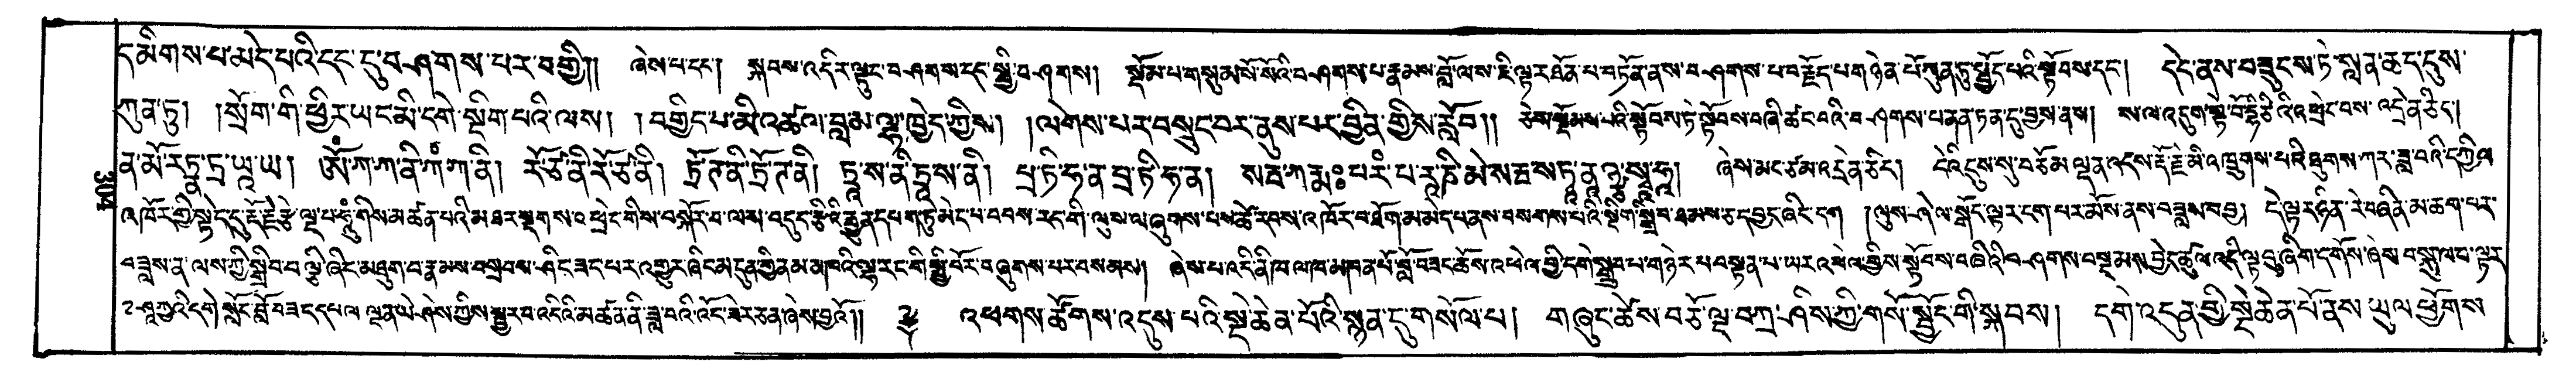དམིགས་པ་མེད་པའི་དང་དུ་བཤགས་པར་བགྱི།། ཞེས་པ་དང་། སྐབས་འདིར་ལྟུང་བཤགས་དང་སྤྱི་བཤགས། སྡོམ་པ་གསུམ་སོ་སོའི་བཤགས་པ་རྣམས་བློ་ལས་ཇི་ལྟར་ཐོན་པ་བཏོན་ནས་བཤགས་པ་བརྗོད་པ་གཉེན་པོ་ཀུན་ཏུ་སྤྱོད་པའི་སྟེབས་དང་། དེང་ནས་བཟུངས་ཏེ་སླན་ཆད་དུས་
ཀུན་ཏུ། །སྲོག་གི་ཕྱིར་ཡང་མི་དགེ་སྡིག་བའི་ལས། །བགྱིད་པ་མི་འཚལ་བླ་མ་ལྷ་ཁྱེད་ཀྱིས། །ལེགས་པར་བསྲུང་བར་ནུས་པར་བྱིན་གྱིས་རློབ།། ཅེས་སྡོམས་པའི་སྟོབས་ཏེ་སྟོབས་བཞི་ཚང་བའི་བཤགས་པ་ནན་ཏན་དུ་བྱས་ནས། ས་ལ་འདུག་སྟེ་བོ་དྷི་ཙིའི་འཕྲེང་བས་འདྲེན་ཅིང་།
ན་མོ་རཏྣ་ཏྲ་ཡཱ་ཡ། ཨོཾ་ཀཾ་ཀ་ནི་ཀཾ་ཀ་ནི། རོ་ཙ་ནི་རོ་ཙ་ནི། ཏྲོ་ཊ་ནི་ཏྲོ་ཊ་ནི། ཏྲཱ་ས་ནི་ཏྲཱ་ས་ནི། པྲ་ཏི་ཧ་ན་པྲ་ཏི་ཧ་ན། སརྦ་ཀརྨཿ པ་རཾ་པ་རཱཎི་མེ་སརྦ་སྟྭཱ་ནཱ་ཉྩ་སྭཱ་ཧཱ། ཞེས་མང་ཙམ་འདྲེན་ཅིང་། དེའི་དུས་སུ་བཅོམ་ལྡན་འདས་རྡོ་རྗེ་མི་འཁྲུགས་པའི་ཐུགས་ཀར་ཟླ་བའི་དཀྱིལ་
འཁོར་གྱི་སྟེང་དུ་རྡོ་རྗེ་རྩེ་ལྔ་པ་ཧཱུཾ་གིས་མཚན་པའི་མཐར་སྔགས་འཕྲེང་གིས་བསྐོར་བ་ལས་བདུད་རྩིའི་རྒྱུན་དཔག་ཏུ་མེད་པ་བབས་རང་གི་ལུས་ལ་ཞུགས་པས་ཚེ་རབས་འཁོར་བ་ཐོག་མ་མེད་པ་ནས་བསགས་པའི་སྡིག་སྒྲིབ་ཐམས་ཅད་བྱང་ཞིང་དག །ལུས་ཤེལ་སྒོང་ལྟར་དག་པར་མོས་ནས་བཟླས་པ་བྱ། དེ་ལྟར་ཉིན་རེ་བཞིན་མ་ཆག་པར་
བཟླས་ན་ལས་ཀྱི་སྒྲིབ་པ་ལྕི་ཞིང་མཐུག་པ་རྣམས་བསྲབས་ཤིང་ཟད་པར་འགྱུར་ཞིང་མདུན་གྱི་ནམ་མཁའི་ལྷ་རང་གི་སྦྱི་བོར་བཞུགས་པར་བསམས། ཞེས་པ་འདི་ནི་ཁལ་ཁ་མཁན་པོ་བློ་བཟང་ཆོས་འཕེལ་གྱི་དགེ་སྒྲུབ་པ་གཉེར་པ་བསྟན་པ་ཡར་འཕེལ་གྱིས་སྟོབས་བཞིའི་བཤགས་བསྡམས་བྱེད་ཚུལ་འདི་ལྟ་བུ་ཞིག་དགོས་ཞེས་བསྐུལ་བ་ལྟར་
༧་ཤཱཀྱའི་དགེ་སློང་བློ་བཟང་དཔལ་ལྡན་ཡེ་ཤེས་ཀྱིས་སྦྱར་བ་འདིའི་མཚན་ནི་ཟླ་བ་རི་འོད་ཟེར་ཅན་ཞེས་བྱའོ།། ༈ འཕགས་ཚོགས་འདུས་པའི་སྡེ་ཆེན་པོའི་སྙན་དུ་གསོལ་པ། གཞུང་ཚེས་བཅོ་ལྔ་བཀྲ་ཤིས་ཀྱི་གསོ་སྦྱོང་གི་སྐབས། དགེ་འདུན་གྱི་སྡེ་ཆེན་པོ་ནས་ཡུལ་ཕྱོགས་